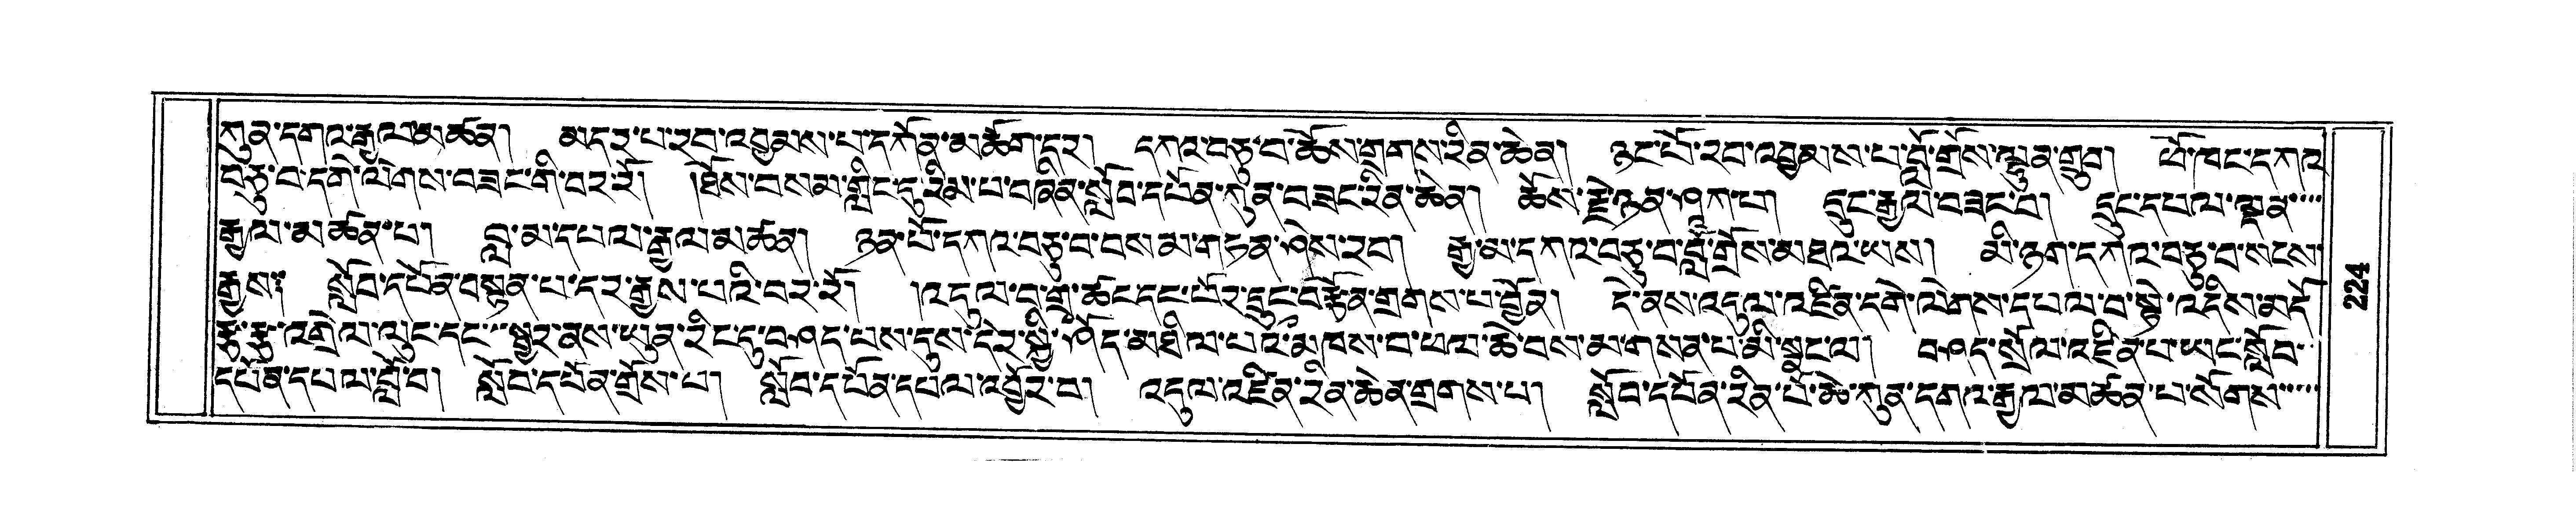ཀུན་དགའ་རྒྱལ་མཚན། མདར་པ་རབ་འབྱམས་པ་དཀོན་མཆོག་དར། དཀའ་བཅུ་བ་ཆོས་གྲགས་རིན་ཆེན། ཉང་པོ་རབ་འབྱམས་པ་བློ་གྲོས་ལྷུན་གྲུབ། ཕོ་ཁང་དཀའ་
བཅུ་བ་དགེ་ལེགས་བཟང་གི་བར་རོ། །ཐོས་བསམ་གླིང་དུ་རིམ་པ་བཞིན་སློབ་དཔོན་ཀུན་བཟང་རིན་ཆེན། ཆོས་རྗེ་ཉན་ཤཱཀ་པ། དྲུང་རྒྱལ་བཟང་བ། དྲུང་དཔལ་ལྡན་
རྒྱལ་མཚན་པ། བླ་མ་དཔལ་རྒྱལ་མཚན། ཉན་པོ་དཀའ་བཅུ་བ་བསམ་གཏན་ཤེས་རབ། རྒྱ་མ་དཀའ་བཅུ་བ་བློ་གྲོས་མཐའ་ཡས། མི་ཉག་དཀའ་བཅུ་བ་སངས་
རྒྱས༑ སློབ་དཔོན་བསྟན་པ་དར་རྒྱས་པའི་བར་རོ། །འདུལ་བ་གྲྭ་ཚང་དང་པོར་དྲུང་བརྩོན་གྲགས་པ་བྱོན། དེ་ནས་འདུལ་འཛིན་དགེ་ལེགས་དཔལ་བ་སྟེ་འདིས་མདོ་
རྩ་རྩ་འགྲེལ་ལུང་དང་སྦྱར་ནས་ཡུན་རིང་དུ་བཤད་པས་དུས་དེར་སྐྱི་ཤོད་མཐིལ་པཱྀ་མཁས་བ་ཕལ་ཆེ་བས་མ་གསན་པ་མི་སྣང་ལ། བཤད་སྲོལ་འཛིན་པ་ཡང་སློབ་
དཔོན་དཔལ་བློ་བ། སློབ་དཔོན་གྲོས་པ། སློབ་དཔོན་དཔལ་འབྱོར་བ། འདུལ་འཛིན་རིན་ཆེན་གྲགས་པ། སློབ་དཔོན་རིན་པོ་ཆེ་ཀུན་དགའ་རྒྱལ་མཚན་པ་སོགས་